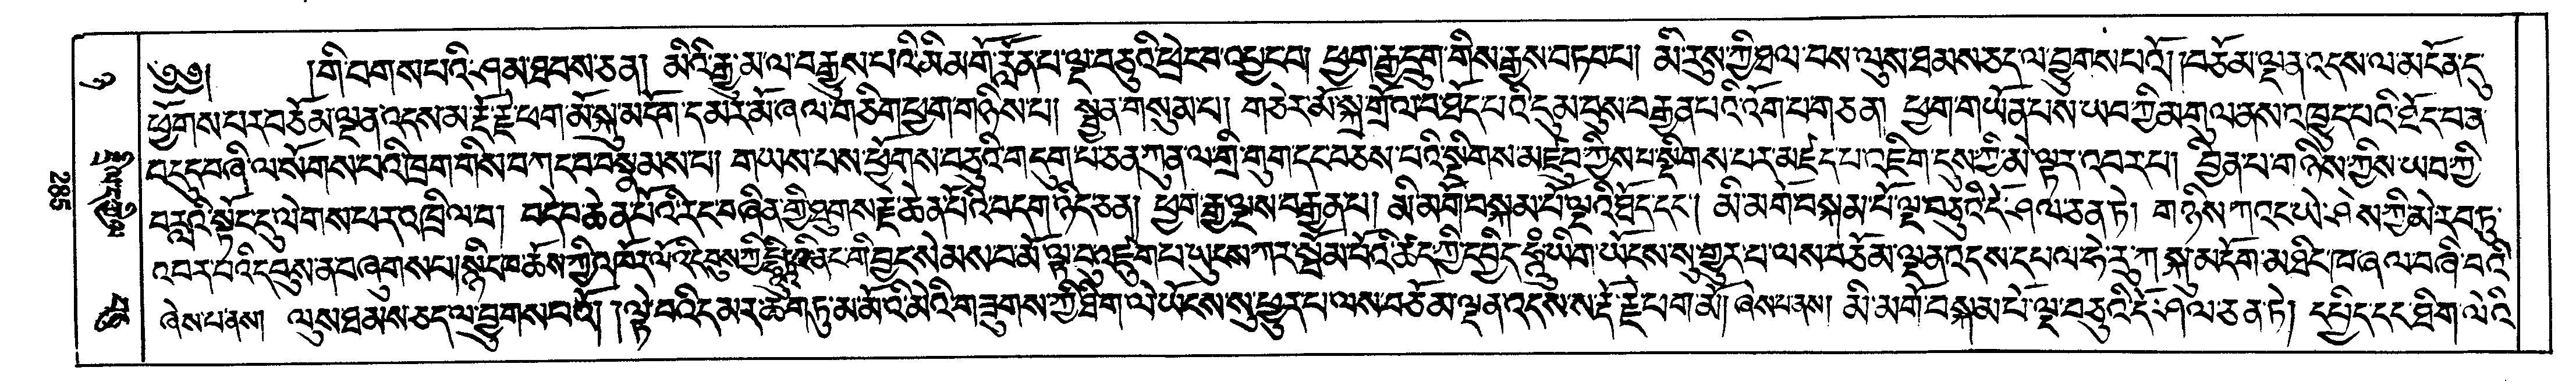༄༅། །གི་པགས་པའི་ཤམ་ཐབས་ཅན། མིའི་རྒྱུ་མ་ལ་བརྒྱུས་པའི་མི་མགོ་རློན་པ་ལྔ་བཅུའི་ཕྲེང་བ་འཕྱང་བ། ཕྱག་རྒྱ་དྲུག་གིས་རྒྱས་བཏབ་པ། མི་རུས་ཀྱི་ཐལ་བས་ལུས་ཐམས་ཅད་ལ་བྱུགས་པའོ། །བཅོམ་ལྡན་འདས་ལ་མངོན་དུ་
ཕྱོགས་པར་བཅོམ་ལྡན་འདས་མ་རྡོ་རྗེ་ཕག་མོ་སྐུ་མདོག་དམར་མོ་ཞལ་གཅིག་ཕྱག་གཉིས་པ། སྦྱན་གསུམ་པ། གཅེར་མོ་སྐྲ་གྲོལ་བ་ཐོད་པའི་དུམ་བུས་བརྒྱན་པའི་འོག་པག་ཅན། ཕྱག་གཡོན་པས་ཡབ་ཀྱི་མགུལ་ནས་འཁྱུད་པའི་ཐོད་པ་ན་
བདུད་བཞི་ལ་སོགས་པའི་ཁྲག་གིས་བཀང་བ་བསྣམས་པ། གཡས་པས་ཕྱོགས་བཅུའི་གདུག་བཅན་ཀུན་ལ་གྲི་གུག་དང་བཅས་པའི་སྡིགས་མཛུབ་ཀྱིས་བསྡིགས་པར་མཛད་པ་འཇིག་དུས་ཀྱི་མེ་ལྟར་འབར་བ། བྱིན་པ་གཉིས་ཀྱིས་ཡབ་ཀྱི་
བརླའི་སྟེང་དུ་ལེགས་པར་འཁྲིལ་བ། བདེ་བ་ཆེན་པོའི་རང་བཞིན་གྱི་ཐུགས་རྗེ་ཆེན་པོའི་བདག་ཉིད་ཅན། ཕྱག་རྒྱ་ལྔས་བརྒྱན་པ། མི་མགོ་བསྐམ་པོ་ལྔའི་ཐོད་དང་། མི་མགོ་བསྐམ་པོ་ལྔ་བཅུའི་དོ་ཤལ་ཅན་ཏེ། གཉིས་ཀའང་ཡེ་ཤེས་ཀྱི་མེ་རབ་ཏུ་
འབར་བའི་དབུས་ན་བཞུགས་པ། སྙིང་ཁ་ཆོས་ཀྱི་འཁོར་ལོའི་དབུས་ཀྱི་དྷཱུ་ཏཱིའི་ནང་གི་བྱང་སེམས་བ་མོ་ལྟ་བུ་འཛག་པ་ཡུངས་ཀར་སྦོམ་པོའི་ཚད་ཀྱི་དཔྱིད་ཧཱུཾ་ཡིག་ཡོངས་སུ་གྱུར་པ་ལས་བཅོམ་ལྡན་འདས་དཔལ་ཧེ་རུ་ཀ་སྐུ་མདོག་མཐིང་ཁ་ཞལ་བཞི་པའི་
ཞེས་པ་ནས། ལུས་ཐམས་ཅད་ལ་བྱུགས་པའོ། །ལྟེ་བའི་དམར་ཆ་གཏུམ་མོའི་མེའི་གཟུགས་ཀྱི་ཐིག་ལེ་ཡོངས་སུ་གྱུར་པ་ལས་བཅོམ་ལྡན་འདས་མ་རྡོ་རྗེ་ཕག་མོ། ཞེས་པ་ནས། མི་མགོ་བསྐམ་པོ་ལྔ་བཅུའི་དོ་ཤལ་ཅན་ཏེ། དཔྱིད་དང་ཐིག་ལེའི་